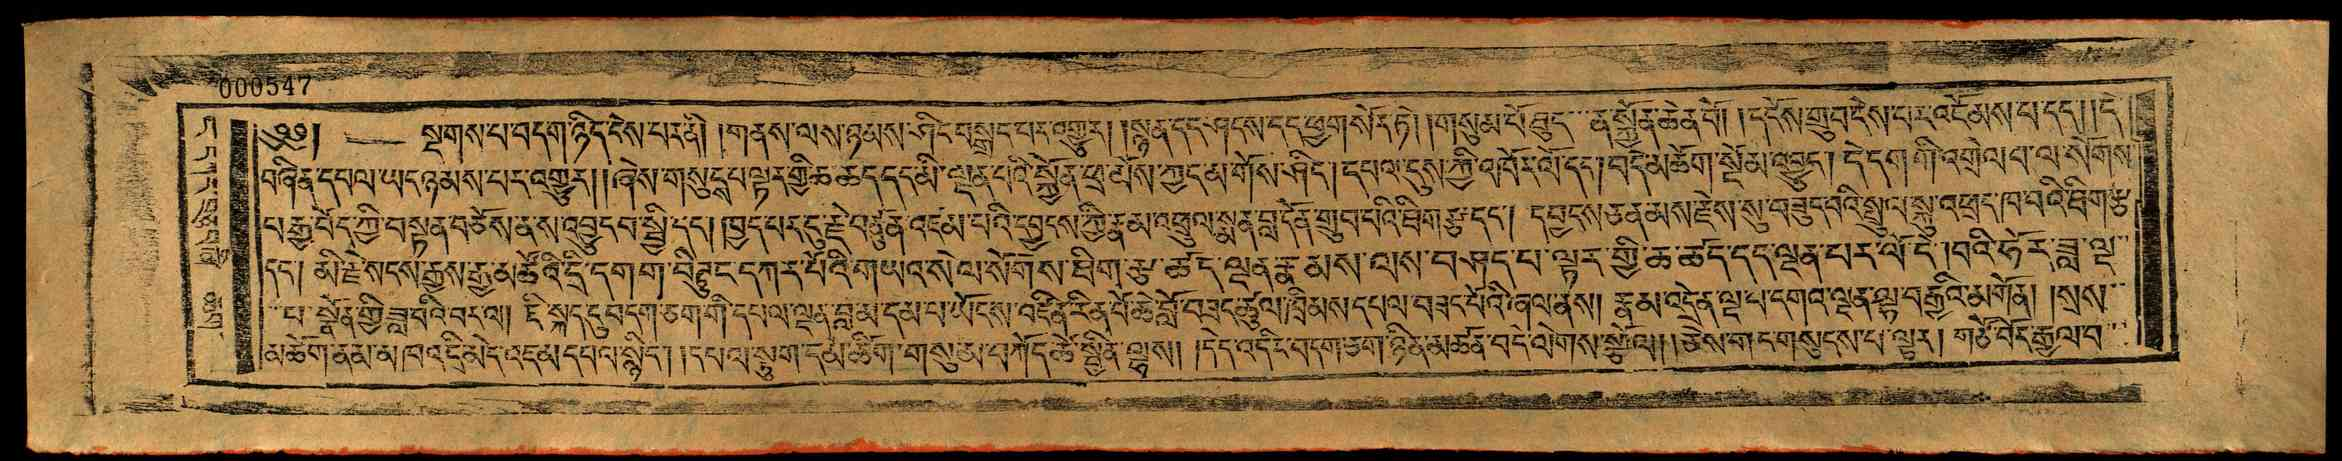༄༅། །སྔགས་པ་བདག་ཉིད་ངེས་པར་ནི། །གནས་ལས་ཉམས་ཤིང་བསྐྲད་པར་འགྱུར། །སྙན་དང་ཤངས་དང་ཕྱག་སོར་ཏེ། །གསུམ་པོ་ཐུང་་་ན་སྐྱོན་ཆེན་པོ། །དངོས་གྲུབ་ངེས་པར་འཇོམས་པ་དང་། །དེ་
བཞིན་དཔལ་ཡང་ཉམས་པར་འགྱུར། །ཞེས་གསུངས་པ་ལྟར་གྱི་ཆ་ཚད་དང་མི་ལྡན་པའི་སྐྱོན་ཕྲ་མོས་ཀྱང་མ་གོས་ཤིང་། དཔལ་དུས་ཀྱི་འཁོར་ལོ་དང་། བདེ་མཆོག་སྡོམ་འབྱུང་། དེ་དག་གི་འགྲེལ་པ་ལ་སོགས་
པ་རྒྱ་བོད་ཀྱི་བསྟན་བཅོས་ནས་འབྱུང་བ་སྤྱི་དང་། ཁྱད་པར་དུ་རྗེ་བཙུན་འཇམ་པའི་དབྱངས་ཀྱི་རྣམ་འཕྲུལ་སྨན་བླ་དོང་རུབ་པའི་ཐིག་རྩ་དང་། དབྱངས་ཅན་མས་རྗེས་སུ་བཟུང་བའི་སྤྲུལ་སྐུ་འཕྲད་ཁ་བའི་ཐིག་རྩ་
དང་། མི་རྗེ་སངས་རྒྱས་རྒྱ་མཚོའི་དྲི་དག་བ། བཻཌཱུར་དཀར་པོའི་གཡའ་སེལ་སོགས་ཐིག་རྩ་ཚད་ལྡན་རྣམྶ་་་ལས་བཤད་པ་ལྟར་གྱི་་་ཆ་ཚད་དང་ལྡན་པར་ལོ་དེ་ཁའི་ཧོར་ཟླ་ལྔ་
་་་པ་སྣོན་གྱི་ཟླ་བའི་བར་ལ། ཇི་སྐད་དུ་བདག་ཅག་གི་དཔལ་ལྡན་བླ་མ་དམ་པ་ཡོངས་འཛིན་རིན་པོ་ཆེ་བློ་བཟང་ཚུལ་ཁྲིམས་དཔལ་བཟང་པོའི་ཞལ་ནས། རྣམ་འདྲེན་ལྔ་པ་དགའ་ལྡན་ལྷ་བརྒྱའི་མགོན། །སྒྲས་
མཆོག་ནམ་མཁའ་དྲི་མེད་འྷམ་དཔལ་སྙིང་། །དཔལ་སྟུག་དམ་ཚིག་གསུམ་བཀོད་ཚེ་སྦྱིན་ལྷས། །དེང་འདིར་བདག་ཅག་ཉིན་མཚན་བདེ་ལེགས་སྩོལ། །ཅེས་གང་སུངས་པ་ལྟར། གཙོ་བོར་གྱལ་བ་